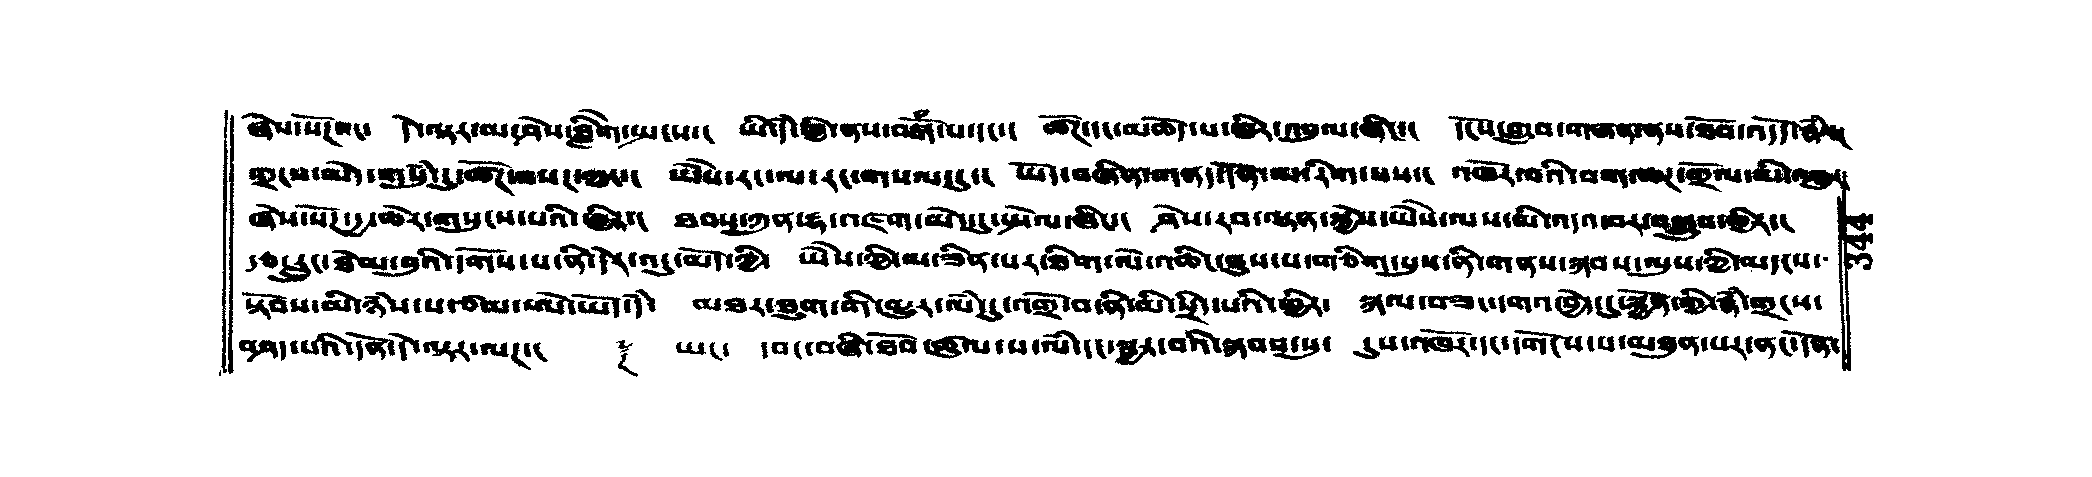ཞེས་སོགས་དང་། དེ་ལྟར་མ་ཤེས་ཐིག་ལེ་སྤངས། ཡི་དམ་ཕྱི་ནས་བསྒོམ་པ་དང་། །ཚོགས་དང་མཆོད་པ་ཕྱིར་འབུལ་ཞིང་། །དངོས་གྲུབ་གཞན་ནས་ཐོབ་འདོད་རྣམས། །
གྲངས་མེད་གསུམ་དུ་ཚོགས་བསགས་ཀྱང་། །ཡེ་ཤེས་རང་ལ་རང་གསལ་དུ། །ཡོད་བཞིན་གནད་དོན་མ་རིག་པས། །འཁོར་བའི་བག་ཆགས་གྲོལ་མི་འགྱུར། 
ཞེས་སོགས་རྒྱ་ཆེར་གསུངས་པའི་ཕྱིར། ཐབས་ཀུནྡ་འཛག་མེད་དུ་སྤེལ་ཞིང་། ཤེས་རབ་ལྷན་སྐྱེས་ཡེ་ཤེས་ལས་མི་འདའ་བར་བསྒྲུབ་ཕྱིར། 
རྩ་རླུང་ཐེམ་བུའི་དགོས་པ་ནི་དེར་འདུ་མོད་ཀྱི། ཡེ་ཤེས་ཀྱི་མ་ཟིན་པར་ཐིག་ལེ་འཆིང་ནུས་པ་གཅིག་པུས་ནི་གནས་སྐབས་ལུས་ཀྱི་མདངས་
སྟོབས་མི་ཉམས་པ་ཙམ་ཨེ་ཡོད་དམ། མཐར་ཐུག་གི་མྱུར་ལམ་དུ་འགྲོ་བ་ནི་མི་སྲིད་པའི་ཕྱིར། སྐལ་བཟང་དགའ་བྱེད་དུ་སྐྱོན་གྱི་རྣམ་གྲངས་
བཤད་པའི་དོན་དེ་ལྟར་ལགས། ༈ ཡང་། དབང་བཞི་ཐོབ་ཚུལ་ས་ལམ་དང་སྦྱར་བའི་སྐབས་སུ། དུས་འཁོར་དང་དགོངས་པ་མཐུན་པར་ནང་དོན་